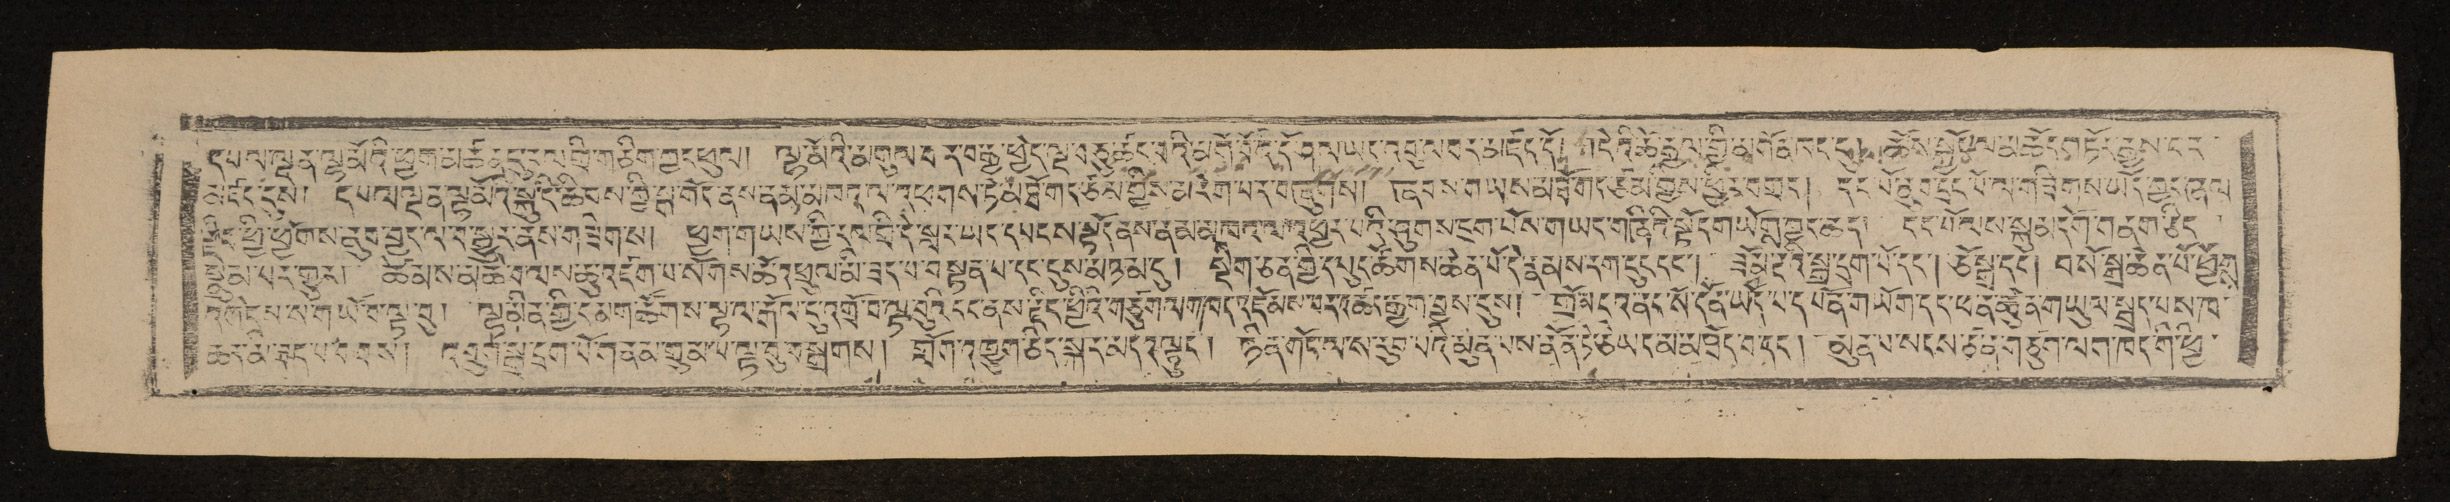དཔལ་ལྡན་ལྷ་མོའི་ཕྱག་མཚན་དུ་རལ་གྲི་གཅིག་ཀྱང་ཕུལ། ལྷ་མོའི་མགུལ་བར་བརྒྱ་ཕྱེད་ལྔ་བཅུ་ཚང་བའི་མགོ་བོའི་དོ་ཤལ་ཡང་འདུལ་བར་མཛད་དོ། །དེའི་ཚེ་རྒྱལ་གྱི་མགོན་ཁང་དུ། ཆོས་སྐྱོང་ལ་མཆོད་གཏོར་རྒྱས་པར་
མཛད་དུས། དཔལ་ལྡན་ལྷ་མོའི་སྐུ་དེ་ཆིབས་ཀྱི་སྒ་གོང་ནས་ནམ་མཁའ་ལ་འཕགས་ཏེ་མཐོ་གང་ཙམ་གྱིས་མ་རེག་པར་བཞུགས། ཞབས་གཡས་མཐོ་གང་ཙམ་གྱིས་ཕྱིར་བགྲང་། དང་པོ་ནུབ་དྲང་པོ་ལ་གཟིགས་ཡོད་ཀྱང་ཞལ་
རྫིང་ཕྱི་ཕྱོགས་ནུབ་བྱུང་ལ་བསྒྱུར་ནས་གཟིགས། ཕྱག་གཡས་ཀྱི་རལ་གྲི་དེ་སླར་ཡང་དཔངས་སྟོད་ནས་ནམ་མཁའ་ལ་འཕྱར་པའི་ཤུགས་དྲག་པོས་གཡང་གཞིའི་སྟོད་གཡོགས་ཀྱང་ཆད། དང་པོ་ལས་སྐུ་མདོག་གནག་ཅིང་
སྣུམ་པར་གྱུར། ཚེམས་མཆེ་བ་ལས་ཆུ་འཛག་པ་སོགས་ཆོ་འཕྲུལ་མི་ཟད་པ་བསྟན་པ་དང་དུས་མཉམ་དུ། སྡིག་ཅན་གྱི་པུང་ཚོགས་ཆེན་པོ་དེ་རྣམས་རག་དུང་དང་། ཟོམ་རྔའི་སྒྲ་དྲག་པོ་དང་། ཅོ་སྒྲ་དང་། བསོ་སྒྲ་ཆེན་པོ་ཕྱོགས་
འགེངས་ས་གཡོ་བ་ལྟ་བུ། ལྷ་མིན་གྱི་དམག་ཚོགས་ལྷ་ལ་རྒོལ་དུ་འགྲོ་བ་ལྟ་བུའི་ངང་ནས་རྫིང་ཕྱིའི་གཙུག་ལག་ཁང་འཇོམས་པར་འཚང་རྒྱག་བྱས་དུས། གྲོ་མདའ་ནང་སོ་དོན་ཡོད་པ་དཔོན་གཡོག་དང་ཕན་ཚུན་གཡུལ་སྦྲང་པས་ཁ་
ཆར་མི་ཟད་པ་བབས། འབྲུག་སྒྲ་དྲག་པོ་གནམ་གྲུམ་པ་ལྟ་བུ་བསྒྲགས། གློ་འཁྱུག་ཅིང་སྐར་མདའ་ལྟུང་། ཉིན་གོང་ལས་རུབ་པའི་མུན་པས་ནོན་ཏེ་ཅི་ཡང་མ་མཐོང་བ་དང་། མུན་པ་སངས་ཙན་གཙུག་ལག་ཁང་གི་ཕྱི་